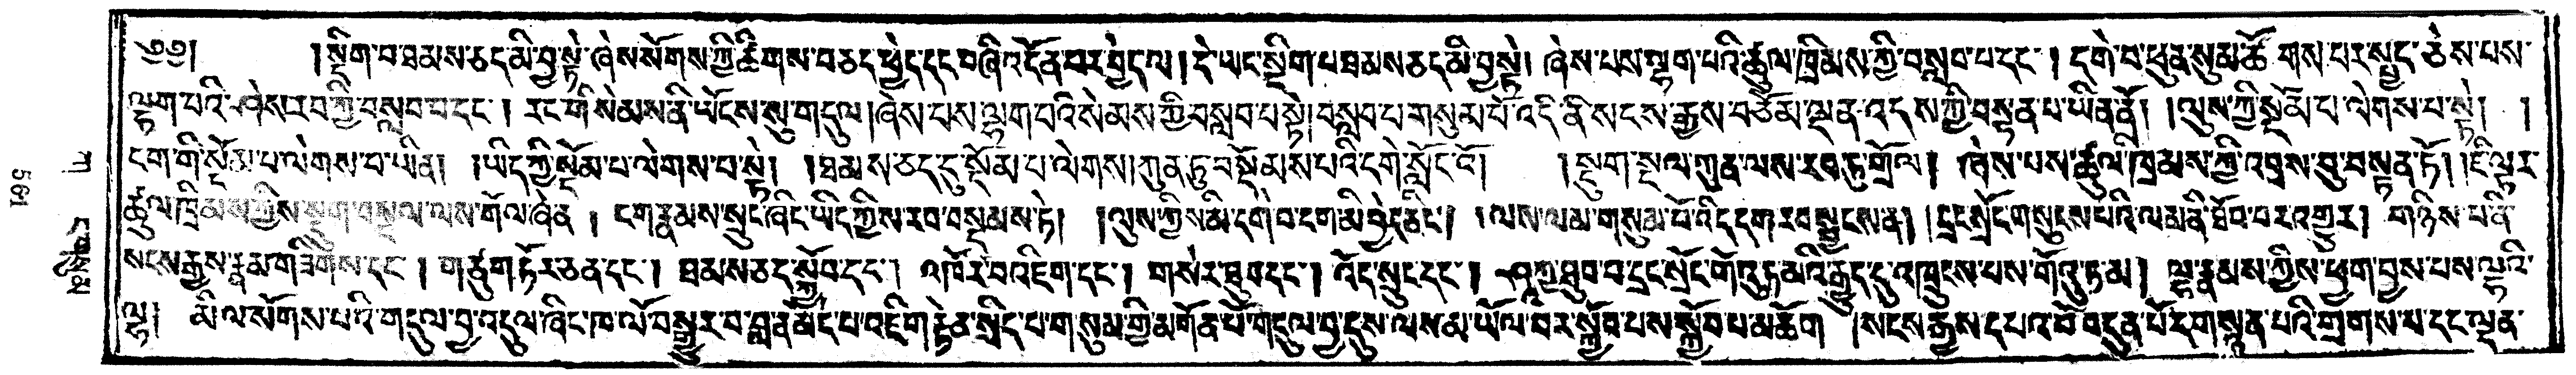༄༅། །སྡིག་བ་ཐམས་ཅད་མི་བྱ་སྟེ་ཞེས་སོགས་ཀྱི་ཚིགས་བཅད་ཕྱེད་དང་བཞི་འདོན་པར་བྱེད་ལ། དེ་ཡང་སྡིག་པ་ཐམས་ཅད་མི་བྱ་སྟེ། ཞེས་པས་ལྷག་པའི་ཚུལ་ཁྲིམས་ཀྱི་བསླབ་པ་དང་། དགེ་བ་ཕུན་སུམ་ཚོགས་པར་སྤྱད་ཅེས་པས་
ལྷག་པའི་ཤེས་རབ་ཀྱི་བསླབ་བ་དང་། རང་གི་སེམས་ནི་ཡོངས་སུ་གདུལ། ཞེས་པས་ལྷག་པའི་སེམས་ཀྱི་བསླབ་པ་སྟེ། བསླབ་པ་གསུམ་པོ་འདི་ནི་སངས་རྒྱས་བཅོམ་ལྡན་འདས་ཀྱི་བསྟན་པ་ཡིན་ནོ། །ལུས་ཀྱི་སྔོམ་པ་ལེགས་པ་སྟེ། །
ངག་གི་སྔོམ་པ་ལེགས་བ་ཡིན། །ཡིད་ཀྱི་སྔོམ་པ་ལེགས་པ་སྟེ། །ཐམས་ཅད་དུ་སྡོམ་པ་ལེགས། ཀུན་ཏུ་བསྡོམས་པའི་དགེ་སློང་འོ། །སྡུག་བསྔལ་ཀུན་ལས་རབ་ཏུ་གྲོལ། ཞེས་པས་ཚུལ་ཁྲིམས་ཀྱི་འབྲས་བུ་བསྟན་ཏོ། །ཇི་ལྟར་
ཚུལ་ཁྲིམས་ཀྱིས་སྡུག་བསྔལ་ལས་གོལ་ཞེ་ན། ངག་རྣམས་སྲུང་ཞིང་ཡིད་ཀྱིས་རབ་བསྡམས་ཏེ། །ལུས་ཀྱིས་མི་དགེ་བ་དག་མི་བྱེད་ཅིང་། །ལས་ལམ་གསུམ་པོ་འདི་དག་རབ་སྦྱངས་ན། །དྲང་སྲོང་གསུངས་པའི་ལམ་ནི་ཐོབ་བར་འགྱུར། གཉིས་པ་ནི་
སངས་རྒྱས་རྣམ་གཟིགས་དང་། གཙུག་ཏོར་ཅན་དང་། ཐམས་ཅད་སྐྱོབ་དང་། འཁོར་བ་འཇིག་དང་། གསེར་ཐུབ་དང་། འོད་སྲུང་དང་། ཤཱཀྱ་ཐུབ་བ་དྲང་སྲོང་གོའུ་ཏ་མའི་རྒྱུད་དུ་འཁྲུངས་པས་གོའུ་ཏ་མ། ལྷ་རྣམས་ཀྱིས་ཕྱག་བྱས་པས་ལྷའི་
ལྷ། མི་ལ་སོགས་པའི་གདུལ་བྱ་འདུལ་ཞིང་ཁ་ལོ་བསྒྱུར་བ་བླ་ན་མེད་པ་འཇིག་རྟེན་སྲིད་པ་གསུམ་གྱི་མགོན་པོ་གདུལ་བྱ་དུས་ལས་མ་ཡོལ་བར་སྐྱོབ་པས་སྐྱོབ་པ་མཆོག །སངས་རྒྱས་དཔའ་བོ་བདུན་པོ་དག་སྙན་པའི་གྲགས་པ་དང་ལྡན་